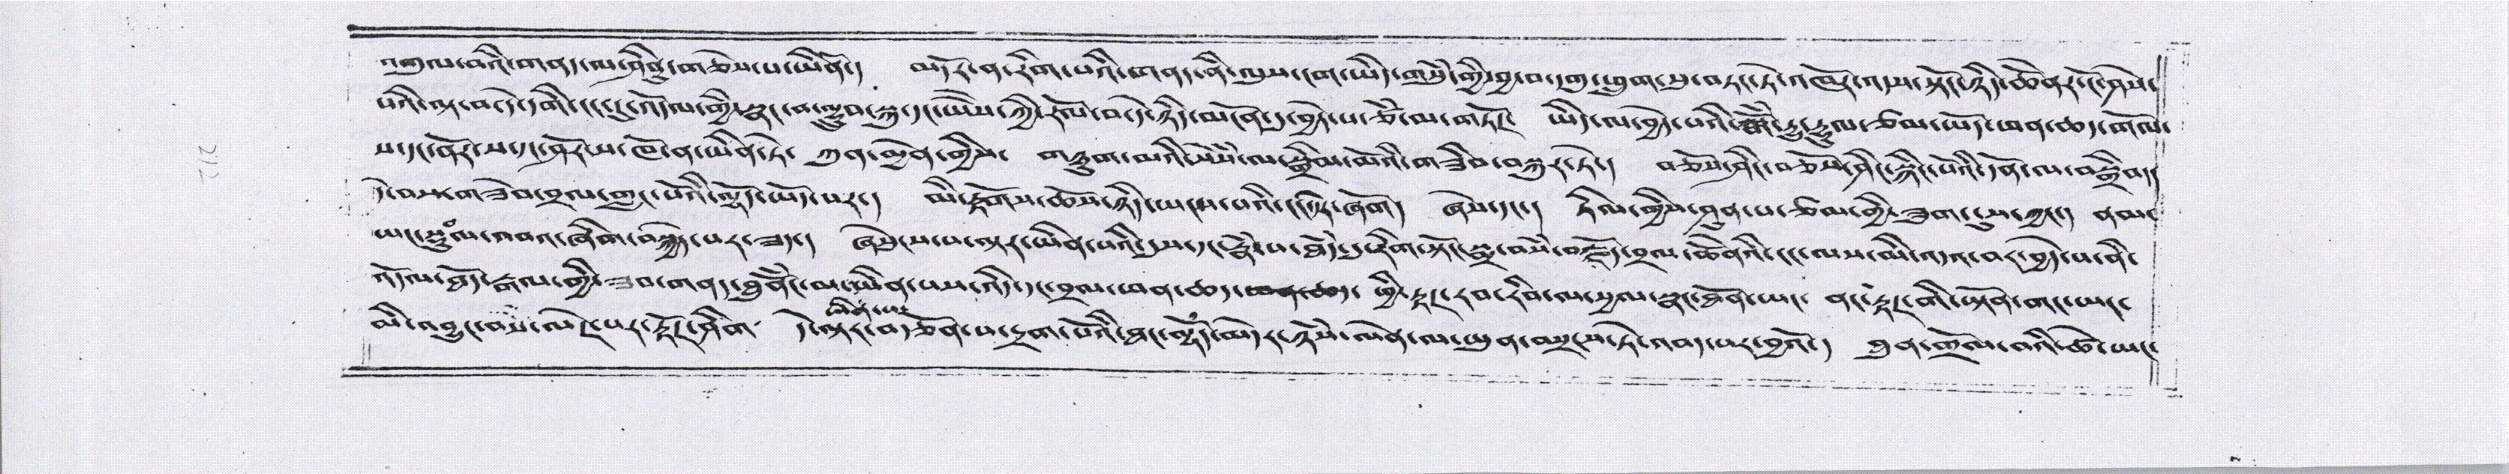འགུལ་བའི་གནད་ཤིན་ཏུ་གཅེས་པ་ཡིན་ནོ། མདོར་ན་རིག་པའི་གནད་ལུས་ངག་ཡིད་གསུམ་གྱི་བྱ་བ་དགུ་ཕྲུག་ཏུ་བཏང་སྟེ་འཁོར་འདས་སྟོང་ཉིད་ཆེན་པོར་ངོ་ཤེས་
པའི་ལྟ་བ་དེ་དག་གི་ངང་དུ་འོད་གསལ་གྱི་སྣང་བ་ལྷུན་གྲུབ་དང་ཡེ་ཤེས་ཀྱི་རོལ་པ་དེ་ཉིད་མངོན་དུ་བྱེད་པ་ཙམ་མ་གཏོགས། ཡིད་ལ་བྱེད་པའི་སྒོམ་རྒྱུ་རྡུལ་ཙམ་ཡོད་ཕན་ཆད་གོལ་
ས་དང་ནོར་ས་དང་ཤོར་ས་ཁོ་ན་ཡིན་ཏེ། ཀུན་མཁྱེན་གྱིས། གཉུག་མའི་སེམས་ལ་སྒྲིབ་མོའི་གཟིབ་བསྐུར་ཏེ། བཅོས་ཤིང་བཅོས་ཤིང་སྙིང་པོའི་དོན་ལ་བསྒྲིབས། 
དེ་བས་གཟིབ་བྲལ་གླང་པོའི་ལྷོད་ཡོད་པར། མི་རྟོག་ཆོས་ཉིད་ཡངས་པའི་ངང་དེར་ཞོག ཅེས་དང་། ཏིལ་གྱི་ཤུན་པ་ཙམ་གྱི་ཟུག་ངུས་ཀྱང་། ནམ་
ཞིག་སྡུག་བསྔལ་འབའ་ཞིག་བསྐྱེད་པར་ཟད། ཞེས་གསུངས་པ་ལྟར་ཡིན་པས་དུས་དང་རྣམ་པ་ཐམས་ཅད་དུ་རིག་སྟོང་སྨྲ་བསམ་བརྗོད་བྲལ་ཆེན་པོའི་ངང་ལས་མི་འདའ་བར་བྱེད་པ་ནི་
འོད་གསལ་ཐོད་རྒལ་གྱི་ཟབ་གནད་ཐུན་མོང་མ་ཡིན་པ་ཡིན་པས་འདི་དང་བྲལ་ཕན་ཆད། ཕྱི་རྟགས་རབ་རིམ་ལ་གསལ་སྣང་ཐོན་ཡང་ནང་རྟགས་ཀྱི་ཡོན་ཏན་གང་ཡང་
མི་འབྱུང་བས་ལེགས་པར་རྟོགས་ཤིག དེ་ལྟར་བརྩོན་པ་དྲག་པོས་ཐང་ལྷོད་མེད་པར་ཉམས་ལེན་ལ་ཡུན་བསྲངས་ཏེ་འབད་པར་བྱའོ། ཐུན་གྲོལ་བའི་ཚེ་ཡང་